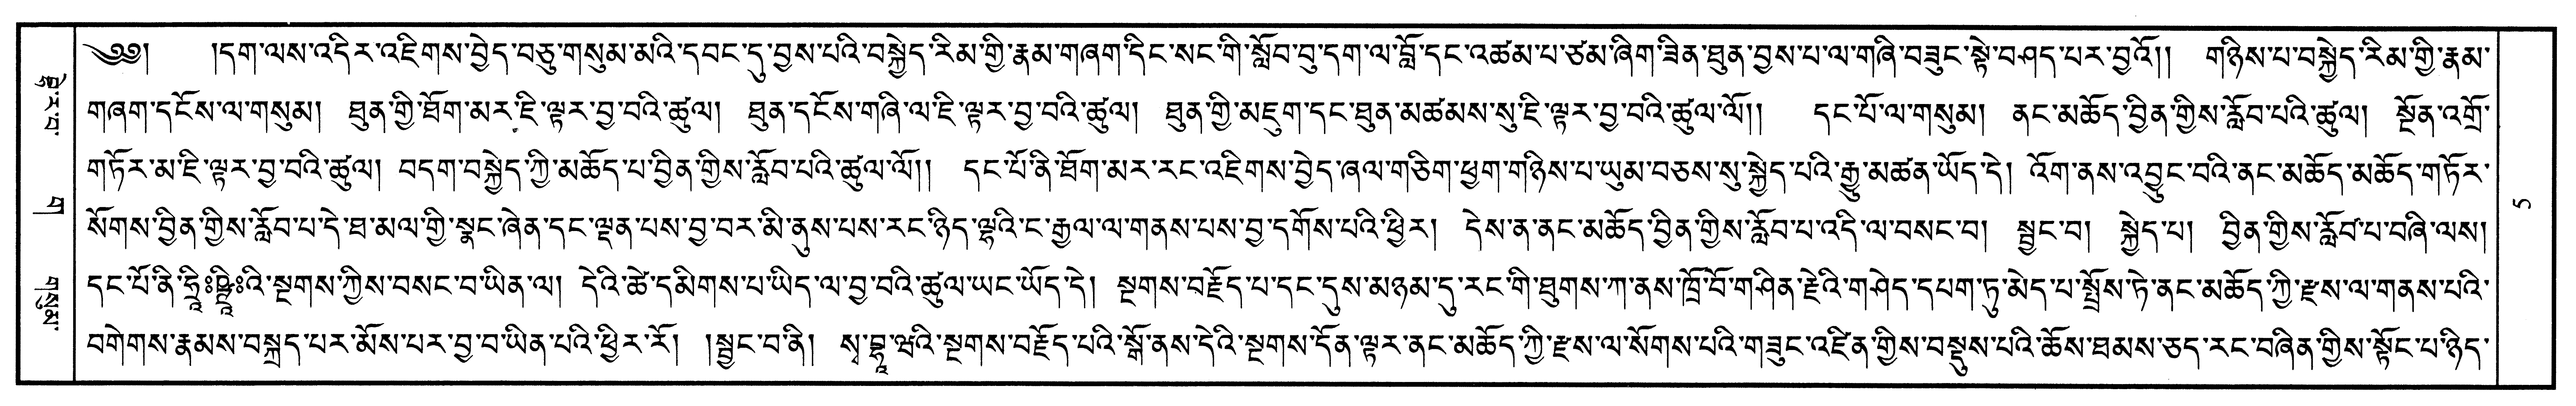༄༅། །དག་ལས་འདིར་འཇིགས་བྱེད་བཅུ་གསུམ་མའི་དབང་དུ་བྱས་པའི་བསྐྱེད་རིམ་གྱི་རྣམ་གཞག་དིང་སང་གི་སློབ་བུ་དག་ལ་བློ་དང་འཚམ་པ་ཙམ་ཞིག་ཟིན་ཐུན་བྱས་པ་ལ་གཞི་བཟུང་སྟེ་བཤད་པར་བྱའོ། །གཉིས་པ་བསྐྱེད་རིམ་གྱི་རྣམ་
གཞག་དངོས་ལ་གསུམ། ཐུན་གྱི་ཐོག་མར་ཇི་ལྟར་བྱ་བའི་ཚུལ། ཐུན་དངོས་གཞི་ལ་ཇི་ལྟར་བྱ་བའི་ཚུལ། ཐུན་གྱི་མཇུག་དང་ཐུན་མཚམས་སུ་ཇི་ལྟར་བྱ་བའི་ཚུལ་ལོ།། དང་པོ་ལ་གསུམ། ནང་མཆོད་བྱིན་གྱིས་རློབ་པའི་ཚུལ། སྔོན་འགྲོ་
གཏོར་མ་ཇི་ལྟར་བྱ་བའི་ཚུལ། བདག་བསྐྱེད་ཀྱི་མཆོད་པ་བྱིན་གྱིས་རློབ་པའི་ཚུལ་ལོ།། དང་པོ་ནི་ཐོག་མར་རང་འཇིགས་བྱེད་ཞལ་གཅིག་ཕྱག་གཉིས་པ་ཡུམ་བཅས་སུ་སྐྱེད་པའི་རྒྱུ་མཚན་ཡོད་དེ། འོག་ནས་འབྱུང་བའི་ནང་མཆོད་མཆོད་གཏོར་
སོགས་བྱིན་གྱིས་རློབ་པ་དེ་ཐ་མལ་གྱི་སྣང་ཞེན་དང་ལྡན་པས་བྱ་བར་མི་ནུས་པས་རང་ཉིད་ལྷའི་ང་རྒྱལ་ལ་གནས་པས་བྱ་དགོས་པའི་ཕྱིར། དེས་ན་ནང་མཆོད་བྱིན་གྱིས་རློབ་པ་འདི་ལ་བསང་བ། སྦྱང་བ། སྐྱེད་པ། བྱིན་གྱིས་རློབ་པ་བཞི་ལས།
དང་པོ་ནི་ཧྲཱིཿ ཥྚྲཱིཿ འི་སྔགས་ཀྱིས་བསང་བ་ཡིན་ལ། དེའི་ཚེ་དམིགས་པ་ཡིད་ལ་བྱ་བའི་ཚུལ་ཡང་ཡོད་དེ། སྔགས་བརྗོད་པ་དང་དུས་མཉམ་དུ་རང་གི་ཐུགས་ཀ་ནས་ཁྲོ་བོ་གཤིན་རྗེའི་གཤེད་དཔག་ཏུ་མེད་པ་སྤྲོས་ཏེ་ནང་མཆོད་ཀྱི་རྫས་ལ་གནས་པའི་
བགེགས་རྣམས་བསྐྲད་པར་མོས་པར་བྱ་བ་ཡིན་པའི་ཕྱིར་རོ། །སྦྱང་བ་ནི། སྭ་བྷཱ་ཝའི་སྔགས་བརྗོད་པའི་སྒོ་ནས་དེའི་སྔགས་དོན་ལྟར་ནང་མཆོད་ཀྱི་རྫས་ལ་སོགས་པའི་གཟུང་འཛིན་གྱིས་བསྡུས་པའི་ཆོས་ཐམས་ཅད་རང་བཞིན་གྱིས་སྟོང་པ་ཉིད་